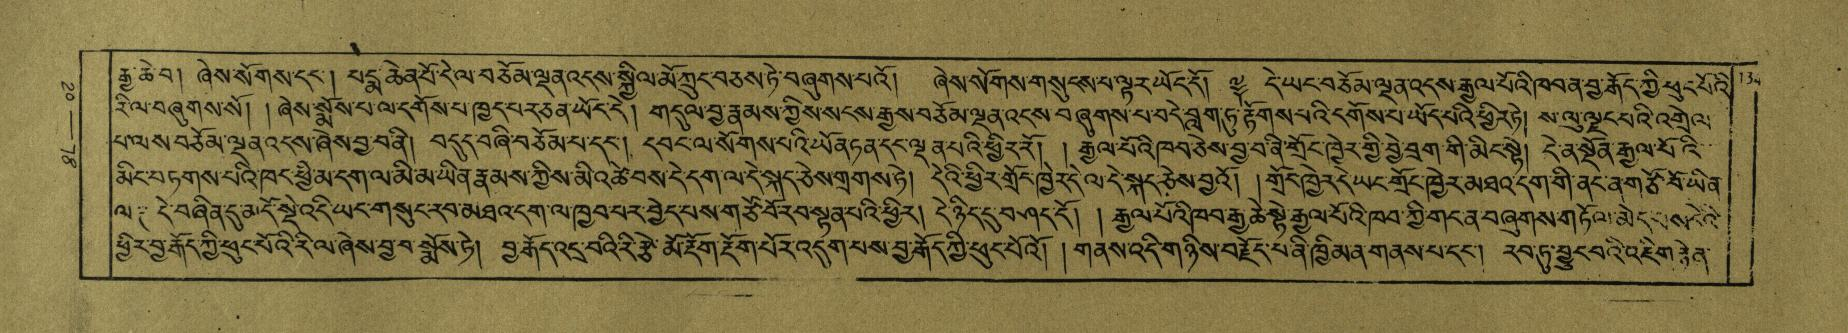རྒྱ་ཆེ་བ། ཞེས་སོགས་དང་། པདམ་ཆེན་པོ་དེ་ལ་བཅོམ་ལྡན་འདས་སྐྱིལ་མོ་ཀྲུང་བཅས་ཏེ་བཞུགས་པའོ། ཞེས་སོགས་གསུང་པ་ལྟར་ཡོད་དོ། ༈ དེ་ཡང་བཅོམ་ལྡན་འདས་རྒྱལ་པོའི་ཁབ་ན་བྱ་རྒོད་ཀྱི་ཕུང་པོའི་
རི་ལ་བཞུགས་སོ། །ཞེས་སྨོས་པ་ལ་དགོས་པ་ཁྱད་པར་ཅན་ཡོད་དེ། གདུལ་བྱ་རྣམས་ཀྱིས་སངས་རྒྱས་བཅོམ་ལྡན་འདས་བཞུགས་པ་བདེ་བླག་ཏུ་རྟོགས་པའི་དགོས་པ་ཡོད་པའི་ཕྱིར་ཏེ། ས་ལུ་ལྗང་པའི་འགྲེལ་
པ་ལས་བཅོམ་ལྡན་འདས་ཞེས་བྱ་བ་ནི། བདུད་བཞི་བཅོམ་པ་དང་། དབང་ལ་སོགས་པའི་ཡོན་ཏན་དང་ལྡན་པའི་ཕྱིར་རོ། །རྒྱལ་པོའི་ཁབ་ཅེས་བྱ་བ་ནི་གྲོང་ཁྱེར་གྱི་བྱེ་བྲག་གི་མིང་སྟེ། དེ་ན་སྔོན་རྒྱལ་པོའི་
མིང་བཏགས་པའི་ཁང་ཕྱི་མ་དག་ལ་མི་མ་ཡིན་རྣམས་ཀྱིས་མི་འཚེ་བས་དེ་དག་ལ་དེ་སྐད་ཅེས་གྲགས་ཏེ། དེའི་ཕྱིར་གྲོང་ཁྱེར་དེ་ལ་དེ་སྐད་ཅེས་བྱའོ། །གྲོང་ཁྱེར་དེ་ཡང་གྲོང་མཐའ་དག་གི་ནང་ན་གཙོ་བོ་ཡིན་
ལ༑ དེ་བཞིན་དུ་མདོ་སྡེ་འདི་ཡང་གསུང་རབ་མཐའ་དག་ལ་ཁྱབ་པར་བྱེད་པས་གཙོ་བོ་རབ་སྟན་པའི་ཕྱིར། དེ་ཉིད་དུ་བཤད་དོ། །རྒྱལ་པོའི་ཁབ་རྒྱ་ཆེ་སྟེ་རྒྱལ་པོའི་ཁབ་ཀྱི་གང་ན་བཞུགས་གཏོལ་མེད་པས་དེའི་
ཕྱིར་བྱ་རྒོད་ཀྱི་ཕུང་པོའི་རིལ་ཞེས་བྱ་བ་སྨོས་ཏེ། བྱ་རྒོད་འདྲ་བའི་རི་རྩེ་མོ་རྡོག་རྡོག་པོར་འདུག་པས་བྱ་རྒོད་ཀྱི་ཕུང་པོའོ། །གནས་འདི་གཉིས་བརྗོད་པ་ནི་ཁྱིམ་ན་གནས་པ་དང་། རབ་ཏུ་བྱུང་བའི་འཇིག་རྟེན་